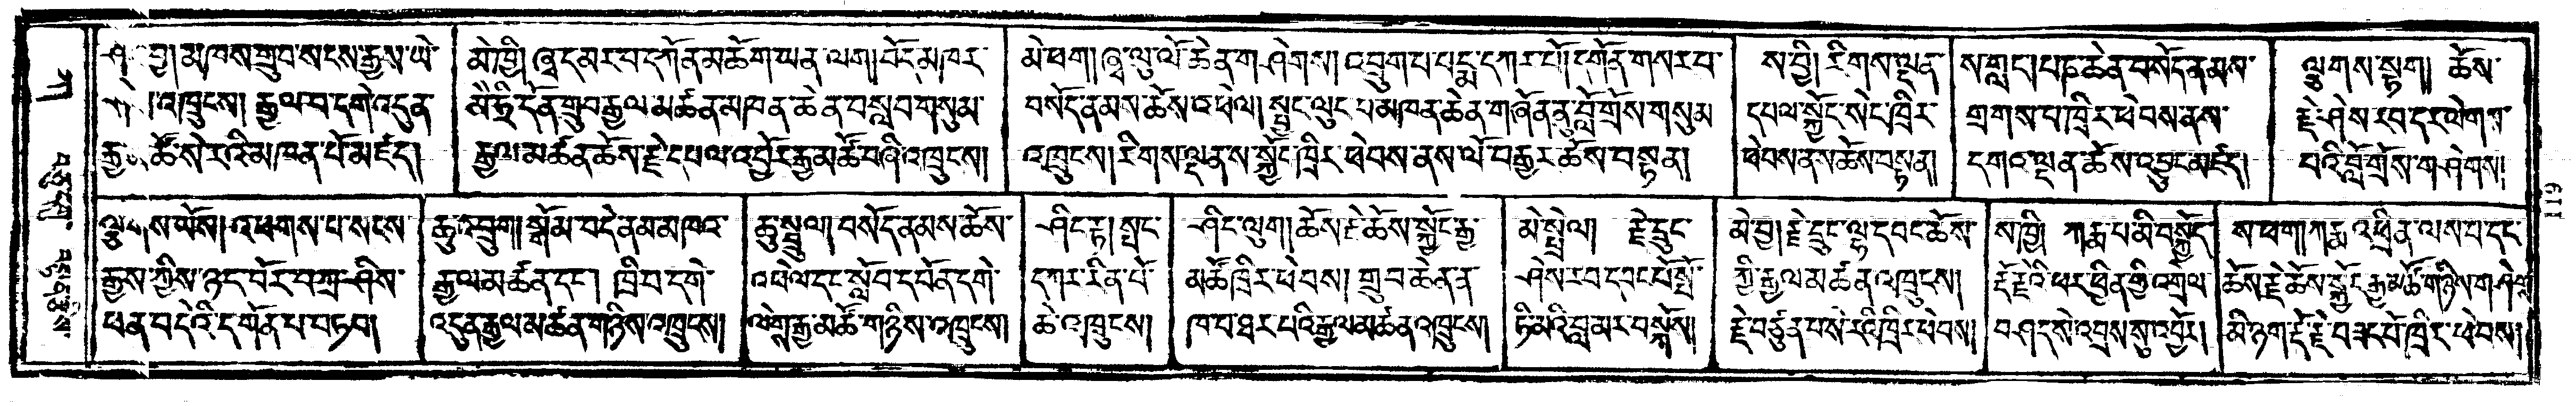ཤས་བྱ། མཁས་གྲུབ་སངས་རྒྱས་ཡེ་མེ་ཁྱི། ཞྭ་དམར་པ་དཀོན་མཆོག་ཡན་ལག །བོད་མཁར་མེ་ཕག། ཞྭ་ལུ་ལོ་ཆེན་གཤེགས། འབྲུག་པ་པདམ་དཀར་པོ། དགོན་གསར་པ་ས་བྱི། རིགས་ལྡན་ས་གླང་། པཎ་ཆེན་བསོད་ནམས་ལྕགས་སྟག། ཆོས་
ཤེས?་འཁྲུངས། རྒྱལ་བ་དགེ་འདུན་མཻ་ཧྲི་དོན་གྲུབ་རྒྱལ་མཚན་མཁན་ཆེན་བསླབ་གསུམ་བསོད་ནམས་ཆོས་འཕེལ། སྤྱང་ལུང་པ་མཁན་ཆེན་གཞོན་ནུ་བློ་གྲོས་གསུམ་དཔལ་སྐྱོང་སེང་ཁྲིར་གྲགས་པ་ཁྲིར་ཕེབས་ནས་རྗེ་ཤེས་རབ་དར་ལེགས་
རྒྱ་མཚོ་སེ་རའི་མཁན་པོ་མཛད་རྒྱལ་མཚན་ཆོས་རྗེ་དཔལ་འབྱོར་རྒྱ་མཚོ་བཞི་འཁྲུངས། འཁྲུངས། རིགས་ལྡན་ས་སྐྱོང་ཁྲིར་ཕེབས་ནས་ལོ་བརྒྱར་ཆོས་བསྟན། ཕེབས་ནས་ཆོས་བསྟན། དགའ་ལྡན་ཆོས་འབྱུང་མཛད། བའི་བློ་གྲོས་གཤེགས་
ལྕགས་ཡོས། འཕགས་པ་སངས་ཆུ་འབྲུག །སྒོམ་བདེ་ནམ་མཁའ་ཆུ་སྦྲུལ། བསོད་ནམས་ཆོས་ཤིང་རྟ། སྤང་ཤིང་ལུག། ཆོས་རྗེ་ཆོས་སྐྱོང་རྒྱ་མེ་སྤྲེལ། རྗེ་དྲུང་མེ་བྱ། རྗེ་དྲུང་ལྷ་དབང་ཆོས་ས་ཁྱི། ཀ་རྨ་པ་མི་བསྐྱོད་ས་ཕག །ཀརྨ་འཕྲིན་ལས་པ་དང་
རྒྱས་ཀྱིས་ཉད་བོར་བཀྲ་ཤིས་རྒྱལ་མཚན་དང་། ཁྲི་བ་དགེ་འཕེལ་དང་སློབ་དཔོན་དགེ་དཀར་རིན་པོ་མཚོ་ཁྲིར་ཕེབས། གྲུབ་ཆེན་ན་ཤེས་རབ་དབང་པོ་སྤོ་ཀྱི་རྒྱལ་མཚན་འཁྲུངས། རྡོ་རྗེའི་ཕར་ཕྱིན་གྱི་འགྲེལ་ཆོས་རྗེ་ཆོས་སྐྱོང་རྒྱ་མཚོ་གཉིས་གཤེགས་
ཕན་བདེའི་དགོན་པ་བཏབ། འདུན་རྒྱལ་མཚན་གཉིས་འཁྲུངས། ལེགས་རྒྱ་མཚོ་གཉིས་འཁྲུངས། ཆེ་འཁྲུངས། ཁ་པ་ཐར་པའི་རྒྱལ་མཚན་འཁྲུངས། ཏི་མའི་བླ་མར་བསྐོས། རྗེ་བཙུན་པ་སེ་རའི་ཁྲིར་ཕེབས། བཤད་སེ་འབྲས་སུ་འབྱོར། མི་ཉག་རྡོ་རྗེ་བཟང་པོ་ཁྲིར་ཕེབས།